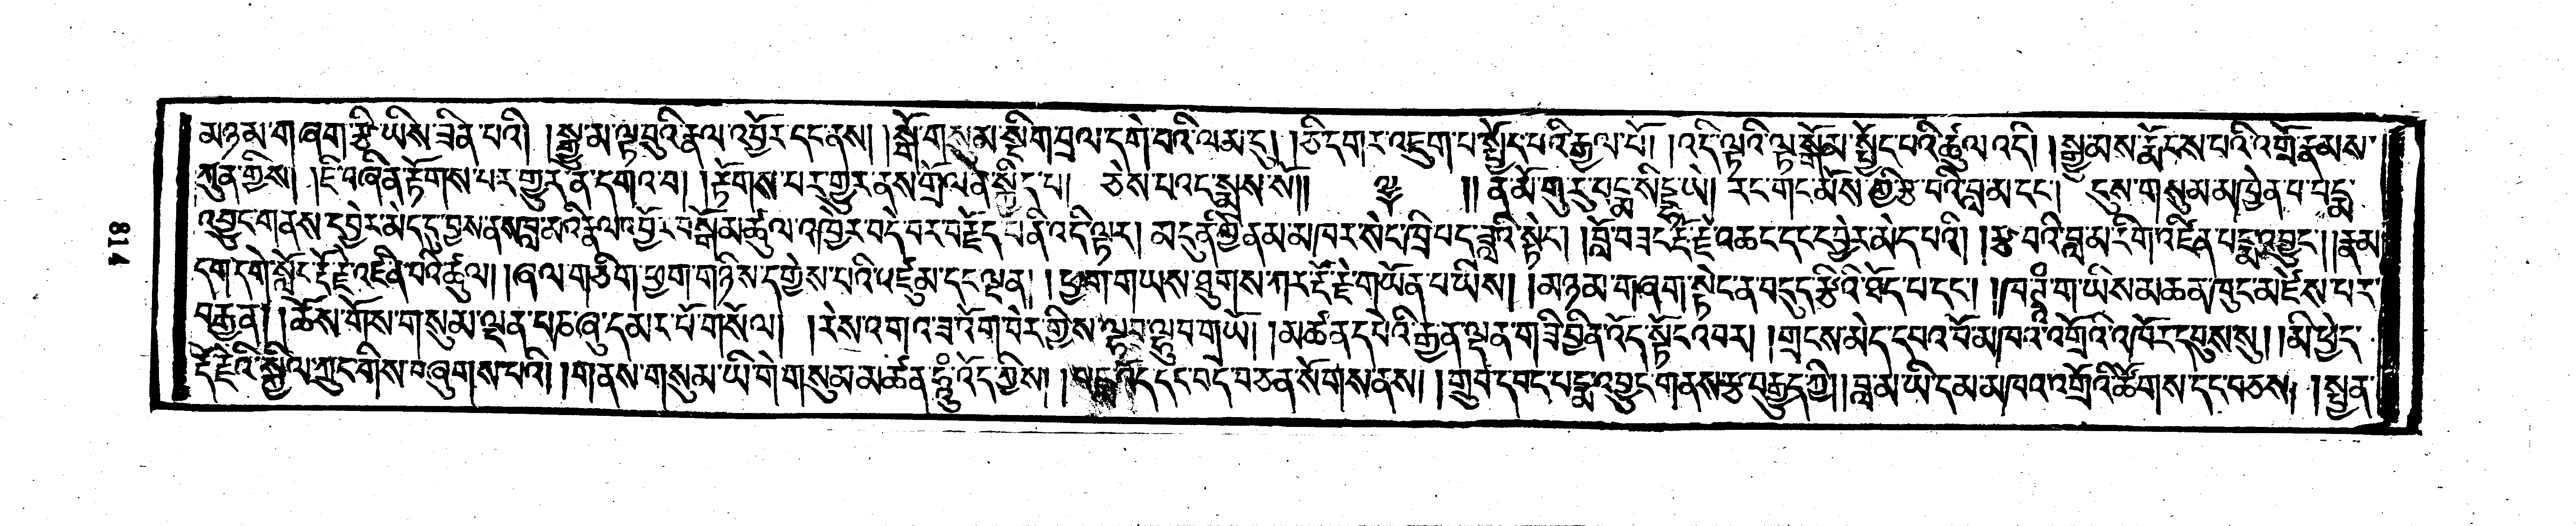མཉམ་གཞག་རྩི་ཡིས་ཟིན་པའི། །སྒྱུ་མ་ལྟ་བུའི་རྣལ་འབྱོར་ངང་ནས། །སྒོ་གསུམ་སྡིག་བྲལ་དགེ་བའི་ལམ་དུ། །ཅི་དགར་འཇུག་པ་སྤྱོད་པའི་རྒྱལ་པོ། །འདི་ལྟའི་ལྟ་སྒོམ་སྤྱོད་པའི་ཚུལ་འདི། །སྒྱུ་མས་རྨོངས་པའི་འགྲོ་རྣམས་
ཀུན་གྱིས། །ཇི་བཞིན་རྟོགས་པར་གྱུར་ན་དགའ་བ། །རྟོགས་པར་གྱུར་ནས་གྲོལ་ན་སྐྱིད་པ། ཅེས་པའང་སྨྲས་སོ།། ༈ །།ན་མོ་གུ་རུ་པདམ་སིདྡྷ་ཡེ། རང་གང་མོས་ཀྱི་རྩ་བའི་བླ་མ་དང་། དུས་གསུམ་མཁྱེན་པ་པདམ་
འབྱུང་གནས་དབྱེར་མེད་དུ་བྱས་ནས་བླ་མའི་རྣལ་འབྱོར་བསྒོམ་ཚུལ་འཁྱེར་བདེ་བར་བརྗོད་པ་ནི་འདི་ལྟར། མདུན་གྱི་ནམ་མཁར་སེང་ཁྲི་པད་ཟླའི་སྟེང་། །བློ་བཟང་རྡོ་རྗེ་འཆང་དང་དབྱེར་མེད་པའི། །རྩ་བའི་བླ་མ་རིག་འཛིན་པདམ་འབྱུང་། །རྣམ་
དག་དགེ་སློང་རྡོ་རྗེ་འཛིན་པའི་ཚུལ། །ཞལ་གཅིག་ཕྱག་གཉིས་དགྱེས་པའི་འཛུམ་དང་ལྡན། །ཕྱག་གཡས་ཐུགས་ཀར་རྡོ་རྗེ་གཡོན་པ་ཡིས། །མཉམ་གཞག་སྟེང་ན་བདུད་རྩིའི་ཐོད་པ་དང་། །ཁ་ཊྭཱཾ་ག་ཡིས་མཚན་ཁུང་མཛེས་པར་
བརྒྱན། །ཆོས་གོས་གསུམ་ལྡན་པཎ་ཞུ་དམར་པོ་གསོལ། །རེས་འགའ་ཟ་འོག་བེར་གྱིས་ལྷབ་ལྷུབ་གཡོ། །མཚན་དཔེའི་རྒྱན་ལྡན་གཟི་བྱིན་འོད་སྟོང་འབར། །གྲངས་མེད་དཔའ་བོ་མཁའ་འགྲོའི་འཁོར་དབུས་སུ། །མི་ཕྱེད་
རྡོ་རྗེའི་སྐྱིལ་ཀྲུང་གིས་བཞུགས་པའི། །གནས་གསུམ་ཡི་གེ་གསུམ་མཚན་ཧཱུཾ་འོད་ཀྱིས། །པདམ་འོད་དང་བདེ་བ་ཅན་སོགས་ནས། །གྲུབ་དབང་པདམ་འབྱུང་གནས་རྩ་བརྒྱུད་ཀྱི། །བླ་མ་ཡི་དམ་མཁའ་འགྲོའི་ཚོགས་དང་བཅས། །སྤྱན་